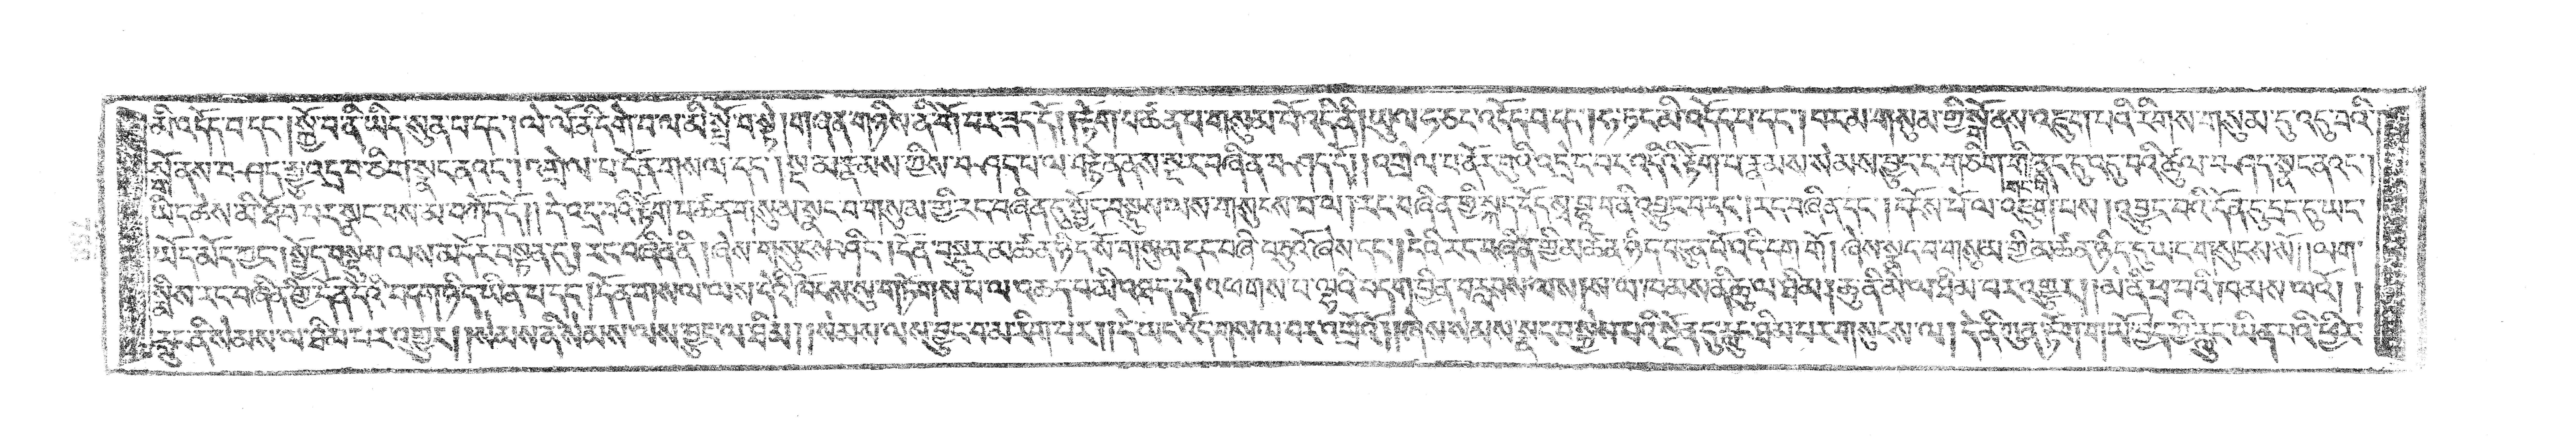མི་འདོད་པ་དང་། སྐྱོ་བ་ནི་ཡིད་སུན་པ་དང་། ལེ་ལོ་ནི་དགེ་བ་ལ་མི་སྤྲོ་བ་སྟེ། གཞན་གཉིས་ནི་གོ་བར་ཟད་དོ། །རྟོག་པ་ཚན་པ་གསུམ་པོ་འདི་ནི། ཡུལ་ཧ་ཅང་འདོད་པ་དང་། ཧ་ཅང་མི་འདོད་པ་དང་། བར་མ་གསུམ་གྱི་སྒོ་ནས་འཇུག་པའི་རིགས་གསུམ་དུ་འདུ་བའི་
སྒོ་ནས་བཤད་རྒྱུ་འདྲ་བ་ཅིག་སྣང་ནའང་། འགྲེལ་པ་དོན་གསལ་དང་། སྔ་མ་རྣམས་ཀྱིས་བཤད་པ་ལ་བརྟེན་ནས་སྔར་བཞིན་བཤད་དོ། །འགྲེལ་པ་ནོར་བུའི་འཕྲེང་བར་འདིའི་རྟོག་པ་རྣམས་སེམས་བྱུང་ང་གཅིག་གི་གང་གི་ནང་དུ་འདུ་བའི་ཚུལ་བཤད་སྣང་ནའང་
ཡིད་ཆས་མི་ཐོབ་པར་སྣང་བས་མ་བཀོད་དོ། །དེ་འདྲ་བའི་རྟོག་པ་ཚན་གསུམ་སྣང་བ་གསུམ་གྱི་རང་བཞིན་དུ་སྤྱོད་བསྡུས་ལས་གསུངས་པ་ལ། རང་བཞིན་གྱི་སྐད་དོད་སྭ་བྷཱ་བ་ནི་འབྱུང་བ་དང་། རང་བཞིན་དང་། དངོས་པོ་ལ་འཇུག་པས། འབྱུང་བའི་དོན་དུ་དྲང་དུ་ཡང་
ཡོད་མོད་ཀྱང་། སྤྱོད་བསྡུས་ལས་མདོར་བསྟན་དུ། རང་བཞིན་ནི། ཞེས་གསུངས་ཤིང་། དོན་བསྡུར་མཚན་ཉིད་སོ་གསུམ་དང་བཞི་བཅུའོ་ཞེས་དང་། དེའི་རང་བཞིན་གྱི་མཚན་ཉིད་བདུན་པོ་འདི་དག་གོ། ཞེས་སྣང་བ་གསུམ་གྱི་མཚན་ཉིད་དུ་ཡང་གསུངས་སོ། །ལག་
སྨིས་རང་བཞིན་གྱི་དོན་དེའི་བདག་ཉིད་ཡིན་པ་དང་། དོན་གསལ་ལས་དེའི་ཁོངས་སུ་གཏོགས་པ་ལ་འཆད་པ་མི་འཐད་དེ། འཕགས་པ་ལྷའི་བདག་བྱིན་བརླབས་ལས། ས་ཡི་ཁམས་ནི་ཆུ་ལ་ཐིམ། ཆུ་ནི་མེ་ལ་ཐིམ་པར་འགྱུར། །མེ་ནི་ཕྲ་བའི་ཁམས་ལའོ། །
རླུང་ནི་སེམས་ལ་ཐིམ་པར་འགྱུར། །སེམས་ནི་སེམས་ལས་བྱུང་ལ་ཐིམ། །སེམས་ལས་བྱུང་བམ་རིག་པར། །དེ་ཡང་འོད་གསལ་བར་འགྲོའོ། །ཞེས་སེམས་སྣང་བ་སྐྱེས་པའི་སྔོན་དུ་རླུང་ཐིམ་པར་གསུངས་ལ། དེ་ནི་ཀུན་རྟོག་གཡོ་བྱེད་ཀྱི་རླུང་ཡིན་པའི་ཕྱིར་